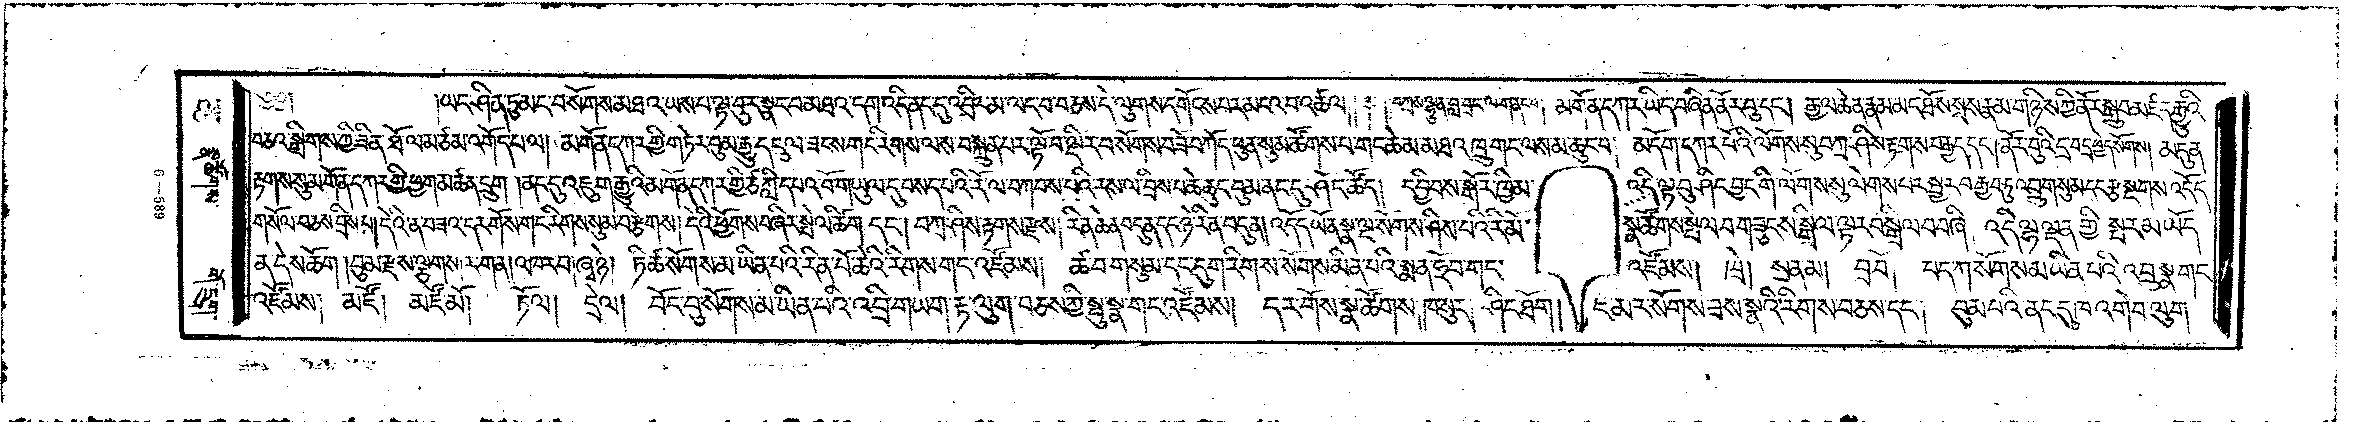༄༅། །ཡང་ཤིན་ཏུ་མང་བ་སོགས་མཐའ་ཡས་པ་ལྟ་བུར་སྣང་བ་མཐའ་དག་འདི་ནང་དུ་འབྲིར་མ་ལང་བ་བཅས་དེ་ལུགས་དགོངས་པར་མངའ་བ་འཚལ།། ༈ །།བཀྲས་ལྷུན་བླ་བྲང་ལ་གནང་བ།  མགོན་དཀར་ཡིད་བཞིན་ནོར་བུ་དང་། རྒྱལ་ཆེན་རྣམ་མང་ཐོས་སྲས་རྣམ་གཉིས་ཀྱི་ནོར་སྒྲུབ་མཛད་རྒྱུའི་
བཅའ་སྒྲིགས་ཀྱི་ཟིན་ཐོ་ལམ་ཙམ་འགོད་པ་ལ། མགོན་དཀར་གྱི་གཏེར་བུམ་རྒྱུ་དངུལ་ཟངས་གང་རིགས་ལས་བསྐྲུན་པར་ལྟོ་བ་ལྡིར་བ་སོགས་བཟོ་བཀོད་ཕུན་སུམ་ཚོགས་པ་གང་ཆེ་མ་མཐའ་ཁྲུ་གང་ལས་མ་ཆུང་བ། མདོག་དཀར་པོའི་ལོགས་སུ་བཀྲ་ཤིས་རྟགས་བརྒྱད་དང་། ནོར་བུའི་དྲ་བདྲ་ཕྱད་སོགས།  མདུན་
རྟགས་སུ་མགོན་དཀར་གྱི་ཕྱག་མཚན་དྲུག །ནང་དུ་འཇུག་རྒྱུའི་མགོན་དཀར་གྱི་ཙ་ཀླི་དཔའ་བོ་གཡུལ་དུ་བསད་པའི་རོ་ལ་བཀབས་པའི་རས་ལ་བྲིས་པ་ཆེ་ཆུང་བུམ་ནང་དུ་ཤོང་ཚོད། དབྱིབས་སྒོར་ཁྱིམ་འདི་ལྟ་བུ་ཤིང་བྱང་གི་ལོགས་སུ་ལེགས་པར་སྦྱར་བརྒྱབ་ཏུ་འབྲུ་གསུམ་དང་རྩ་སྔགས་འདོད་
གསོལ་བཅས་བྲིས་པ་།དེའི་ན་བཟའ་དར་གོས་གང་རིགས་སུམ་བརྩེགས། དེའི་ཕྱོགས་བཞིར་སྤེལ་ཚིག་དང་། བཀྲ་ཤིས་རྟགས་རྫས། རིན་ཆེན་བདུན་དང་ཉེ་རིན་བདུན། འདོད་ཡོན་སྣ་ལྔ་སོགས་ཤིས་པའི་རི་མོ་སྣ་ཚོགས་སྤེལ་བ་གཟུངས་སྒྲིལ་ལྟར་བསྒྲིལ་བ་བཞི་འདི་ལྷ་ལྡན་གྱི་སྦར་མ་ཡོད་
ན་དེས་ཆོག །བུམ་རྫས་ལྕགས་།ར་གན། འཁར་བ། ཞྭ་ཉེ། ཏི་ཚ་སོགས་མ་ཡིན་པའི་རིན་པོ་ཆེའི་རིགས་གང་འཛོམས། ཚ་བ་གསུམ་དང་དུག་རིགས་སོགས་མིན་པའི་སྨན་ཧྲོབ་གང་འཛོམས། ཁྲེ། སྲན་མ། བྲ་བོ། པད་ཀ་སོགས་མ་ཡིན་པའི་འབྲུ་སྣ་གང་
འཛོམས། མཛོ། མཛོ་མོ། ཏོལ། དྲེལ། བོང་བུ་སོགས་མ་ཡིན་པའི་འབྲི་གཡག་རྟ་ལུག་བཅས་ཀྱི་སྦུ་སྣ་གང་འཛོམས། དར་གོས་སྣ་ཚོགས་།ཁ་སུར། ཤིང་ཐོག། ཇ་མར་སོགས་ཟས་སྣའི་རིགས་བཅས་དང་། བུམ་པའི་ནང་དུ་ཁ་འགེབ་ལུག་